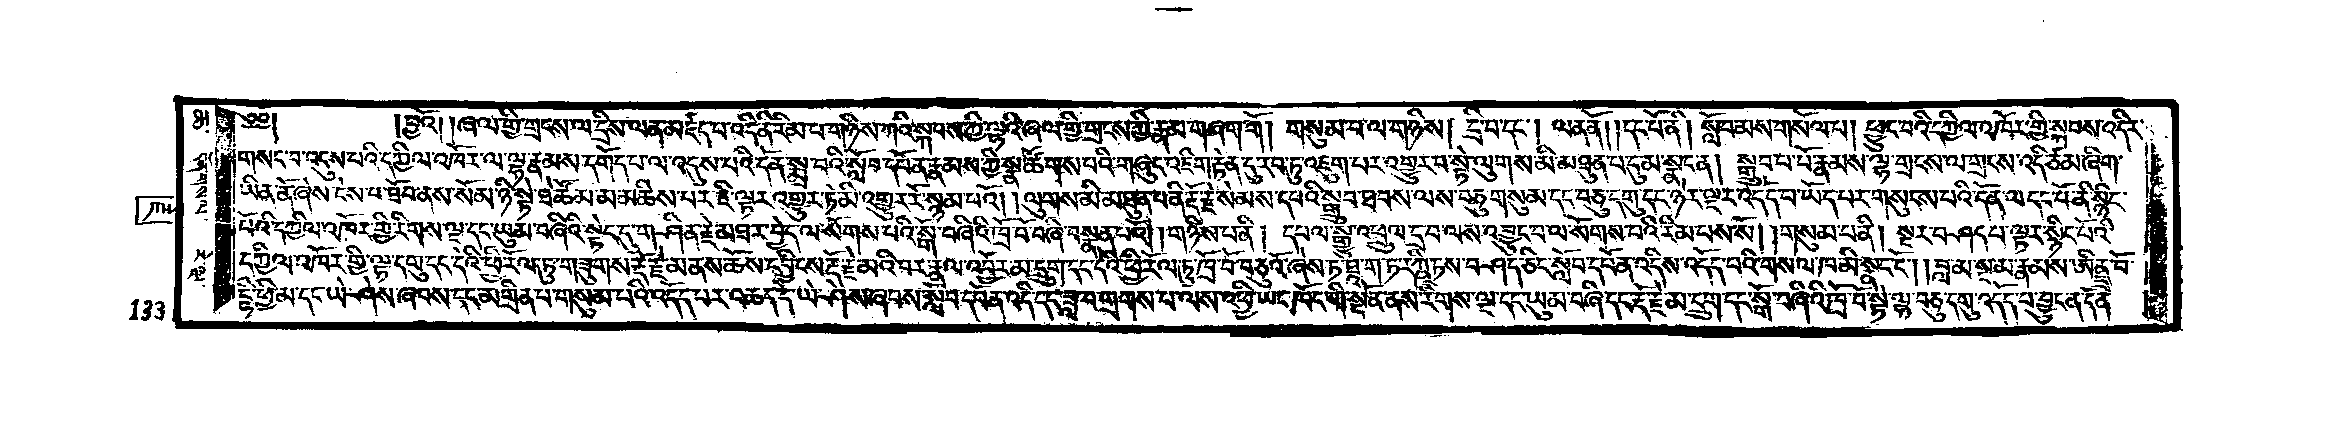༄༅། །བྱའོ། །ཞལ་གྱི་གྲངས་ལ་དྲིས་ལན་མཛད་པ་འདི་ནི་རིམ་པ་གཉིས་ཀའི་སྐབས་ཀྱི་ལྷའི་ཞལ་གྱི་གྲངས་ཀྱི་རྣམ་གཞག་གོ །གསུམ་པ་ལ་གཉིས། དྲི་བ་དང་། ལན་ནོ། །དང་པོ་ནི། སློབ་མས་གསོལ་པ། ཕྱུང་བའི་དཀྱིལ་འཁོར་གྱི་སྐབས་འདིར་
གསང་བ་འདུས་པའི་དཀྱིལ་འཁོར་ལ་ལྷ་རྣམས་དགོད་པ་ལ་འདུས་པའི་དོན་སྨྲ་བའི་སློབ་དཔོན་རྣམས་ཀྱི་སྣ་ཚོགས་པའི་གཞུང་འཇིག་རྟེན་དུ་རབ་ཏུ་འཇུག་པར་འགྱུར་བ་སྟེ་ལུགས་མི་མཐུན་པ་དུ་མ་སྣང་ན། སྒྲུབ་པ་པོ་རྣམས་ལྷ་གྲངས་ལ་གྲངས་འདི་ཙམ་ཞིག་
ཡིན་ནོ་ཞེས་ངེས་པ་ཐོབ་ནས་སོམ་ཉི་སྟེ་ཐེ་ཚོམ་མ་མཆིས་པར་ཇི་ལྟར་འགྱུར་ཏེ་མི་འགྱུར་རོ་སྙམ་པའོ། །ལུགས་མི་མཐུན་པ་ནི་རྡོ་རྗེ་སེམས་དཔའི་སྒྲུབ་ཐབས་ལས་བཅུ་གསུམ་དང་བཅུ་དགུ་དང་ཉེར་ལྔར་འདོད་པ་ཡོད་པར་གསུངས་པའི་དོན་ལ་དང་པོ་ནི་སྙིང་
པོའི་དཀྱིལ་འཁོར་གྱི་རིགས་ལྔ་དང་ཡུམ་བཞིའི་སྟེང་དུ་གཤིན་རྗེ་མཐར་བྱེད་ལ་སོགས་པའི་སྒོ་བཞིའི་ཁྲོ་བོ་བཞི་བསྣན་པའོ། །གཉིས་པ་ནི། དཔལ་སྒྱུ་འཕྲུལ་དྲ་བ་ལས་འབྱུང་བ་ལ་སོགས་པའི་རིམ་པས་སོ། །གསུམ་པ་ནི། སྔར་བཤད་པ་ལྟར་སྙིང་པོའི་
དཀྱིལ་འཁོར་གྱི་ལྷ་དགུ་དང་དེའི་ཕྱི་རོལ་ཏུ་གཟུགས་རྡོ་རྗེ་མ་ནས་ཆོས་དབྱིངས་རྡོ་རྗེ་མའི་བར་རྣལ་འབྱོར་མ་དྲུག་དང་དེའི་ཕྱི་རོལ་ཏུ་ཁྲོ་བོ་བཅུའོ་ཞེས་ཏ་ཐཱ་ག་ཏ་རཀྵི་ཏས་བཤད་ཅིང་སློབ་དཔོན་འདིས་འདོད་པའི་གསལ་ཁ་མི་སྣང་ངོ། །བླ་མ་སྔ་མ་རྣམས་ཨིནྡྲ་བོ་
དྷི་ཕྱི་མ་དང་ཡེ་ཤེས་ཞབས་དང་མགྲིན་པ་གསུམ་པའི་འདོད་པར་འཆད་དེ་ཡེ་ཤེས་ཞབས་སློབ་དཔོན་འདི་དང་ཟླ་བ་གྲགས་པ་ལས་འཕྱི་ཡང་ཁོང་གི་སྔོན་ནས་རིགས་ལྔ་དང་ཡུམ་བཞི་དང་རྡོ་རྗེ་མ་དྲུག་དང་སྒོ་བཞིའི་ཁྲོ་བོ་སྟེ་ལྷ་བཅུ་དགུ་འདོད་པ་བྱུང་ན་དོན་